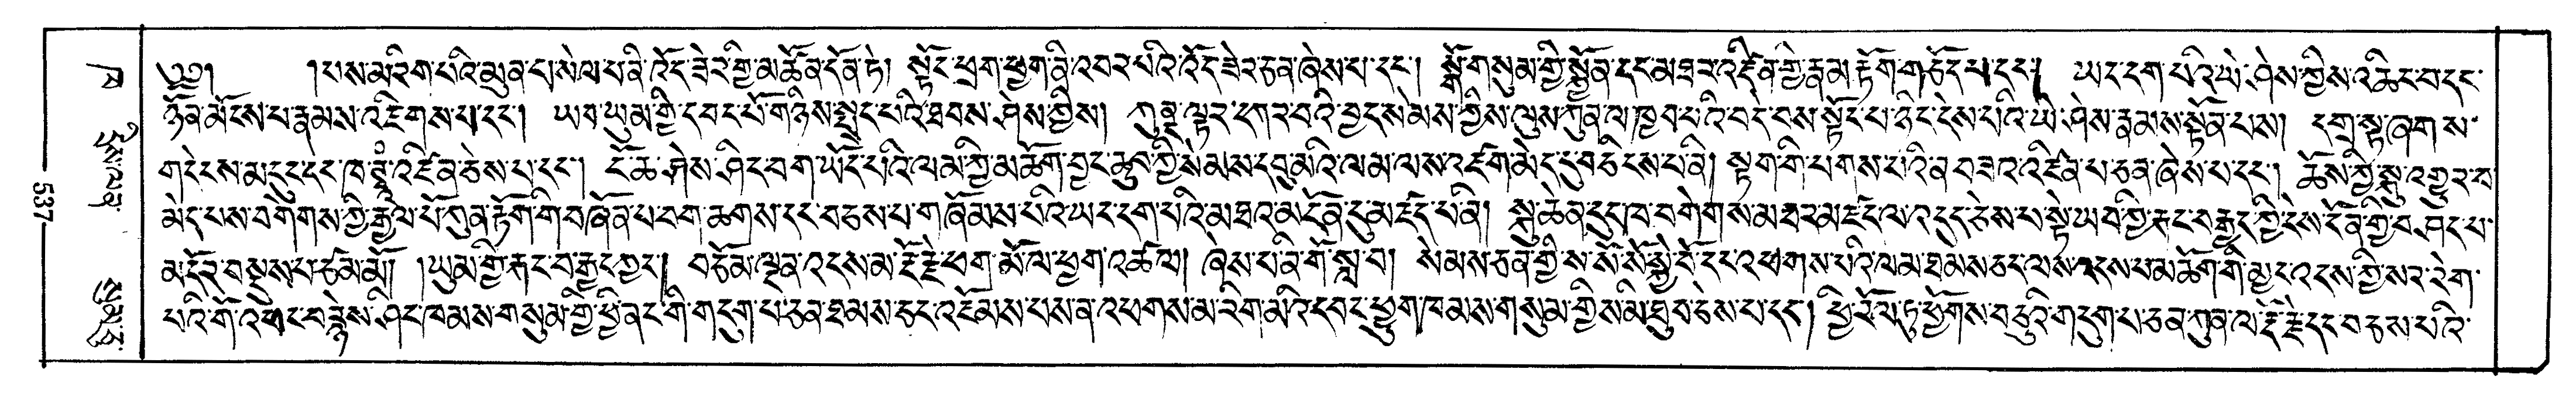༄༅། །པས་མ་རིག་པའི་མུན་པ་སེལ་བ་ནི་འོད་ཟེར་གྱི་མཚོན་དོན་ཏེ། སྟོང་ཕྲག་ཕྱག་ནི་འབར་བའི་འོད་ཟེར་ཅན་ཞེས་པ་དང་། སྒོ་གསུམ་གྱི་སྐྱོན་དང་མཐར་འཛིན་གྱི་རྣམ་རྟོག་གཅོད་པ་དང་། ཡང་དག་པའི་ཡེ་ཤེས་ཀྱིས་འཆིང་བ་དང་།
ཉོན་མོངས་པ་རྣམས་འཇིགས་པ་དང་། ཡབ་ཡུམ་གྱི་དབང་པོ་གཉིས་སྤྲད་པའི་ཐབས་ཤེས་ཀྱིས། ཀུནྡ་ལྟར་དཀར་བའི་བྱང་སེམས་ཀྱིས་ལུས་ཀུན་ལ་ཁྱབ་པའི་བདེ་བས་སྟོང་བ་ཉིད་ངེས་པའི་ཡེ་ཤེས་རྣམས་སྟོན་པས། དགྲ་སྟ་ཞགས་
གདེངས་མདུད་དང་ཁ་ཊྭཱཾ་འཛིན་ཅེས་པ་དང་། ངོ་ཚ་ཤེས་ཤིང་བག་ཡོད་པའི་ལམ་གྱི་མཆོག་བྱང་ཆུབ་ཀྱི་སེམས་དབུ་མའི་ལམ་ལས་འཛག་མེད་དུ་བཅིངས་པ་ནི། སྟག་གི་པགས་པའི་ན་བཟའ་འཛིན་པ་ཅན་ཞེས་པ་དང་། ཆོས་ཀྱི་སྐུ་འགྱུར་པ་
མེད་པས་བགེགས་ཀྱི་རྒྱལ་པོ་ཀུན་རྟོག་གི་བཞོན་པ་བག་ཆགས་དང་བཅས་པ་གཞོམས་པའི་ཡང་དག་པའི་མཐའ་མངོན་དུ་མཛད་པ་ནི། སྐུ་ཆེན་དུད་ཁ་བགེགས་མཐར་མཛད་ལ་འདུད་ཅེས་པ་སྟེ་ཡབ་ཀྱི་རྐང་བརྒྱད་ཀྱི་ངེས་དོན་གྱི་བཤད་པ་
མདོར་བསྡུས་པ་ཙམ་མོ། །ཡུམ་གྱི་རྐང་བརྒྱད་ཀྱང་། བཅོམ་ལྡན་འདས་མ་རྡོ་རྗེ་ཕག་མོ་ལ་ཕྱག་འཚལ། ཞེས་པ་ནི་གོ་སླ་ལ། སེམས་ཅན་གྱིས་སོ་སོ་སྐྱེ་བོ་དང་འཕགས་པའི་ལམ་ཐམས་ཅད་ལས་འདས་པ་མཆོག་གི་མྱང་འདས་ཀྱི་སར་རེག་
པའི་གོ་འཕང་བརྙེས་ཤིང་ཁམས་གསུམ་གྱི་ཕྱི་ནང་གི་གདུག་པ་ཅན་ཐམས་ཅད་འཇོམས་པས་ན་འཕགས་མ་རིག་མའི་དབང་ཕྱུག་ཁམས་གསུམ་གྱིས་མི་ཐུབ་ཅེས་པ་དང་། ཕྱི་རོལ་ཏུ་ཕྱོགས་བཅུའི་གདུག་པ་ཅན་ཀུན་ལ་རྡོ་རྗེ་དང་བཅས་པའི་